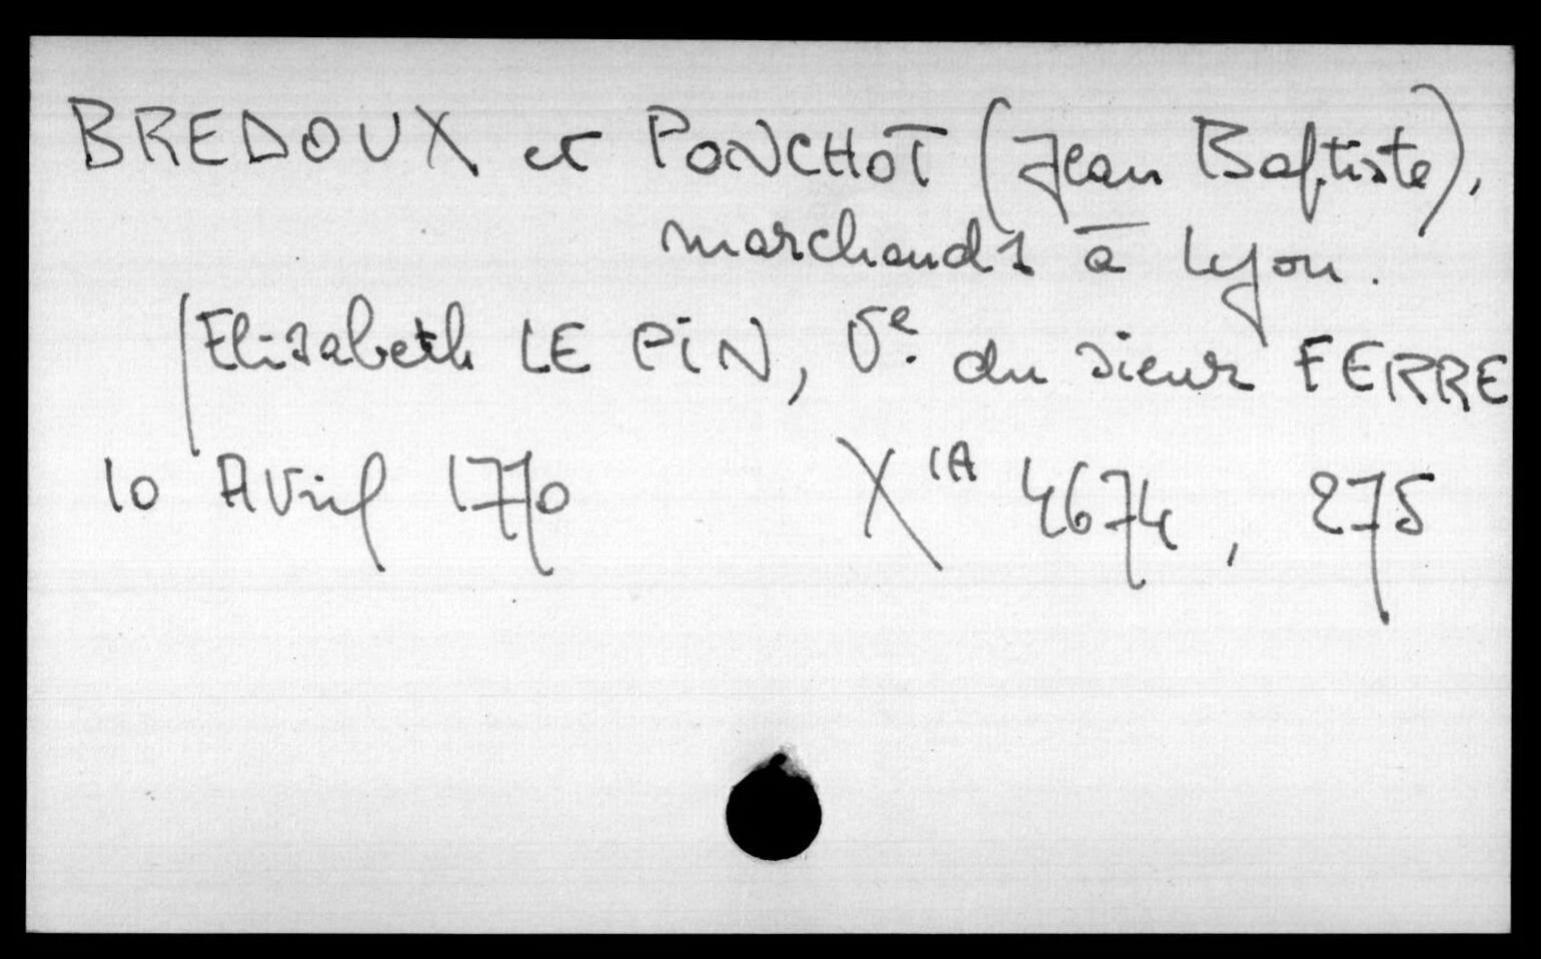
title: BREDOUX et PONCHOT (Jean Baptiste), marchand à Lyon.
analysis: Contre Élisabeth LE PIN, veuve du Sieur FERRE
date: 10 avril 1770
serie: X1A
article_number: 4674
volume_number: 275
